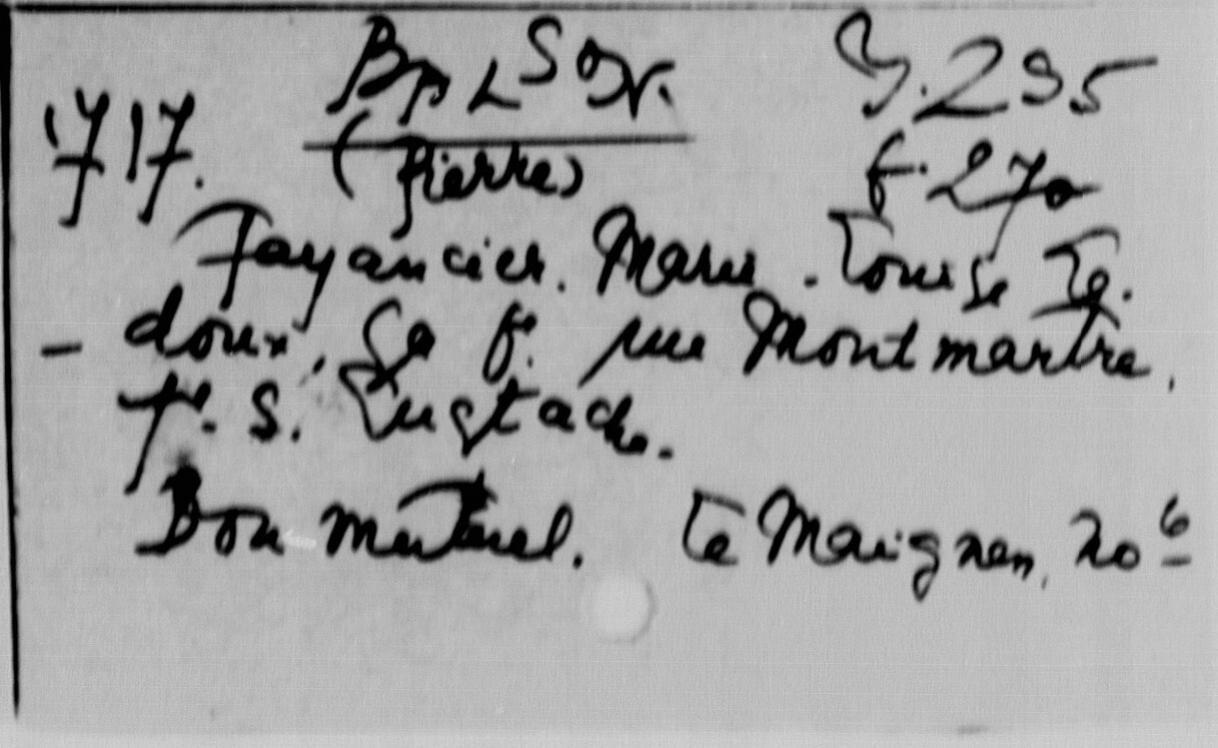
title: BALSON (Pierre)
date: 1717
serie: Y
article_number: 295
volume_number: folio 270
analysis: Fayancier. Marie-Louise Ledoux, sa femme, rue Montmartre, paroisse Saint-Eustache. Don mutuel. Le Maignen, notaire.
